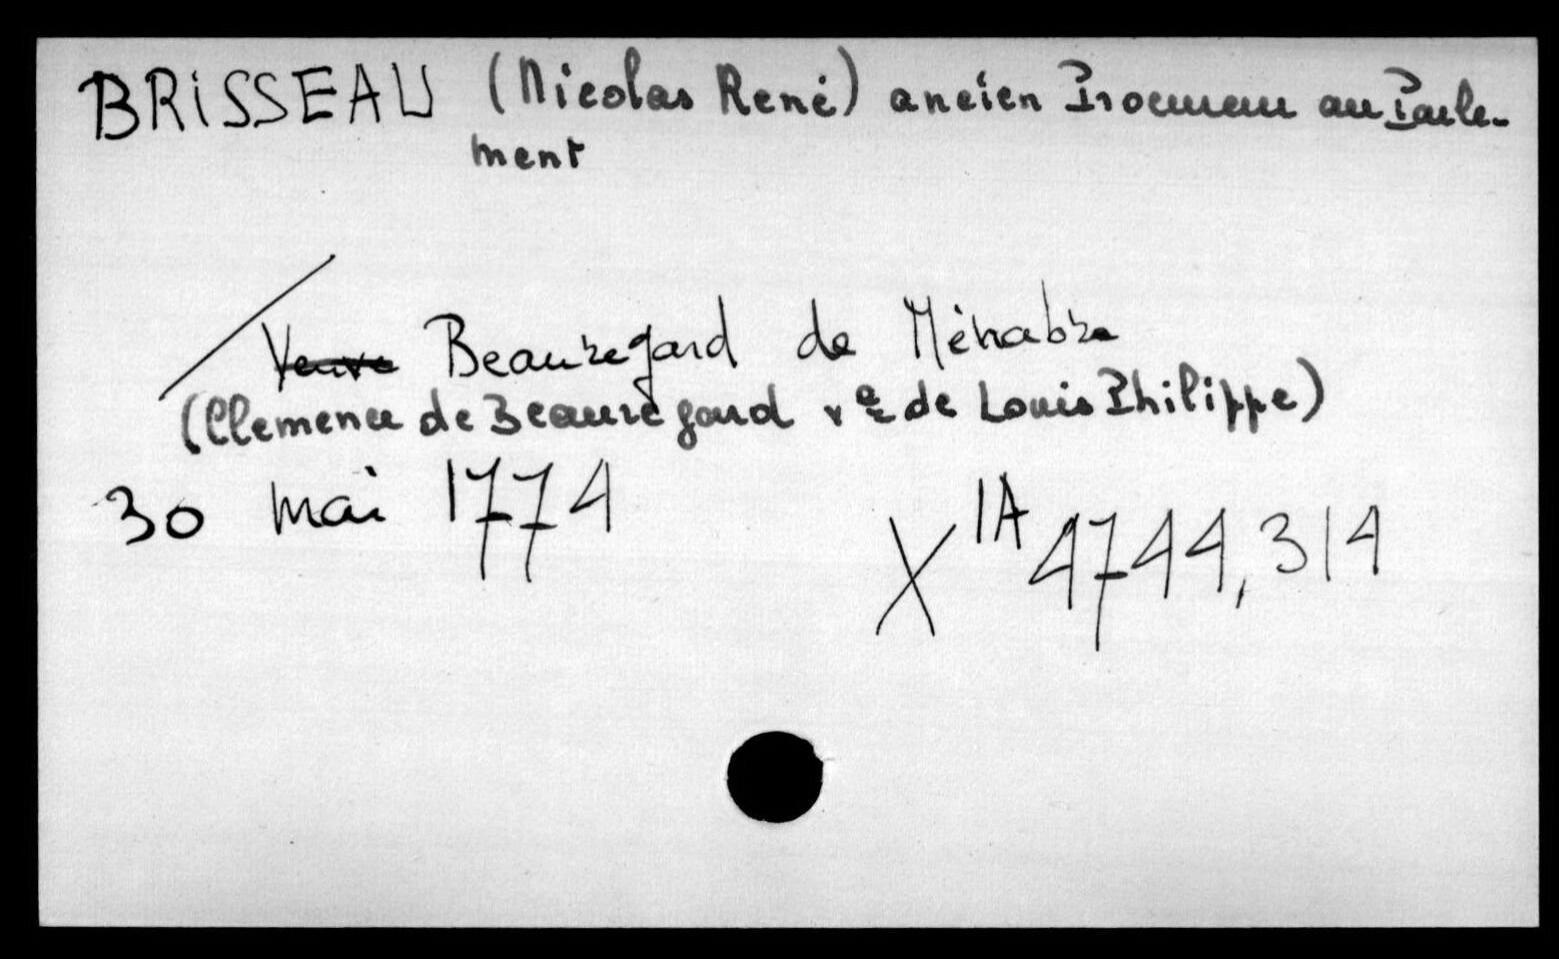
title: BRISSEAU (Nicolas René) ancien Procureur au Parlement.
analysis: Contre Beauregard de Ménabre (Clemence de Beauregard veuve de Louis Philippe)
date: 30 mai 1774
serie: X1A
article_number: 4744
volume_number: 314
